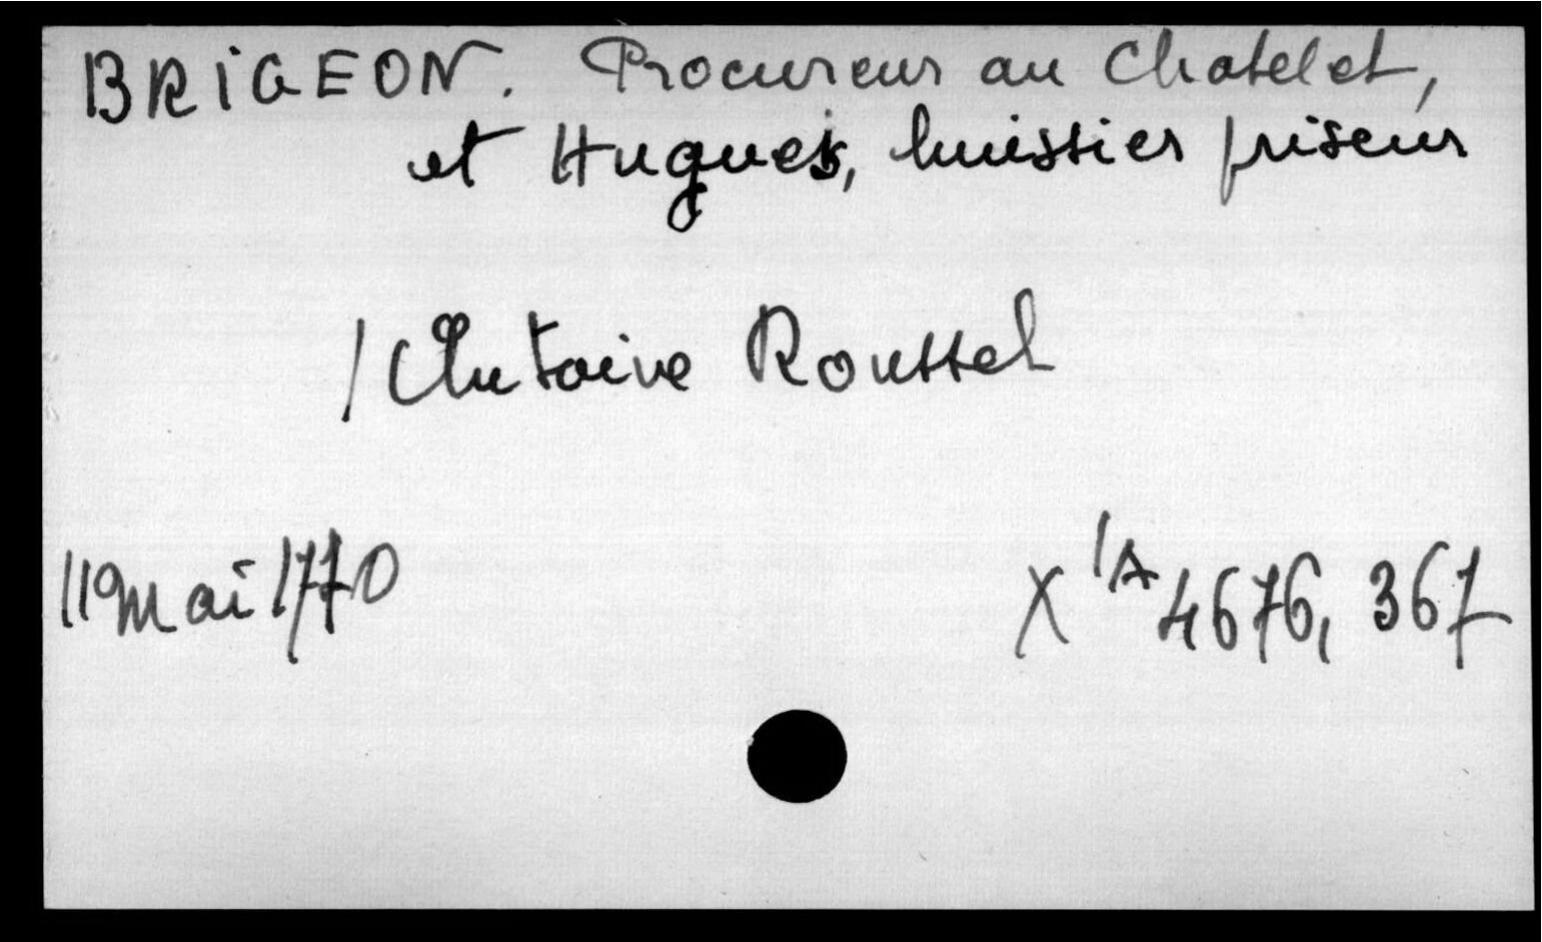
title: BRIGEON, Procureur au Châtelet et Hugues, huissier priseur
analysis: Contre Antoine Roussel
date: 11 mai 1770
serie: X1A
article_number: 4676
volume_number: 367
